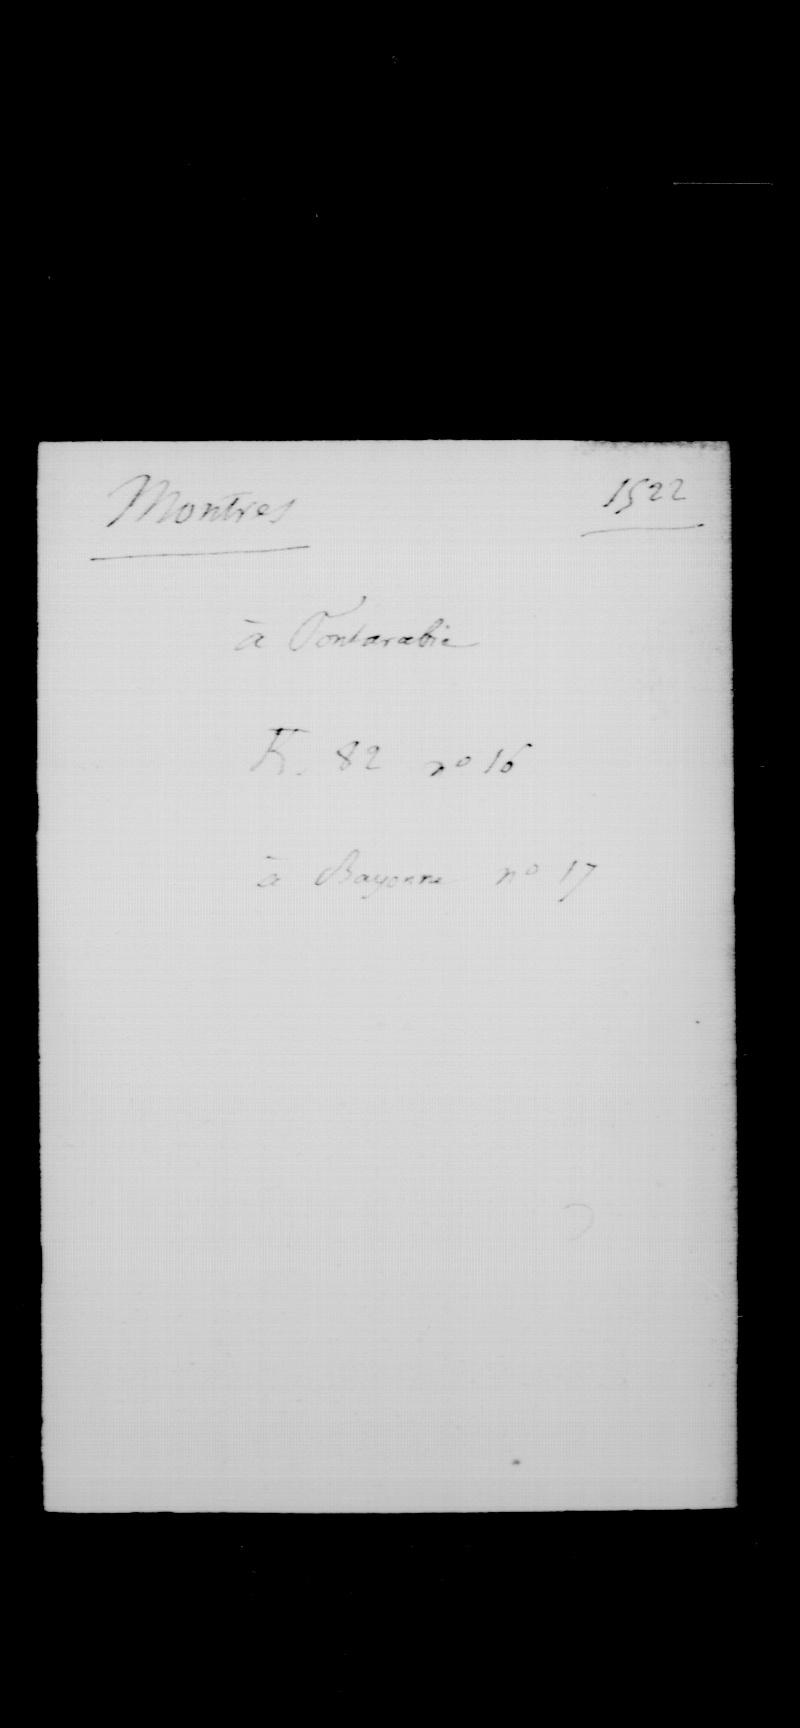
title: Montres
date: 1522
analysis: à Fontarabie à Bayonne
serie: K
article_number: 82
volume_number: n° 16, 17
